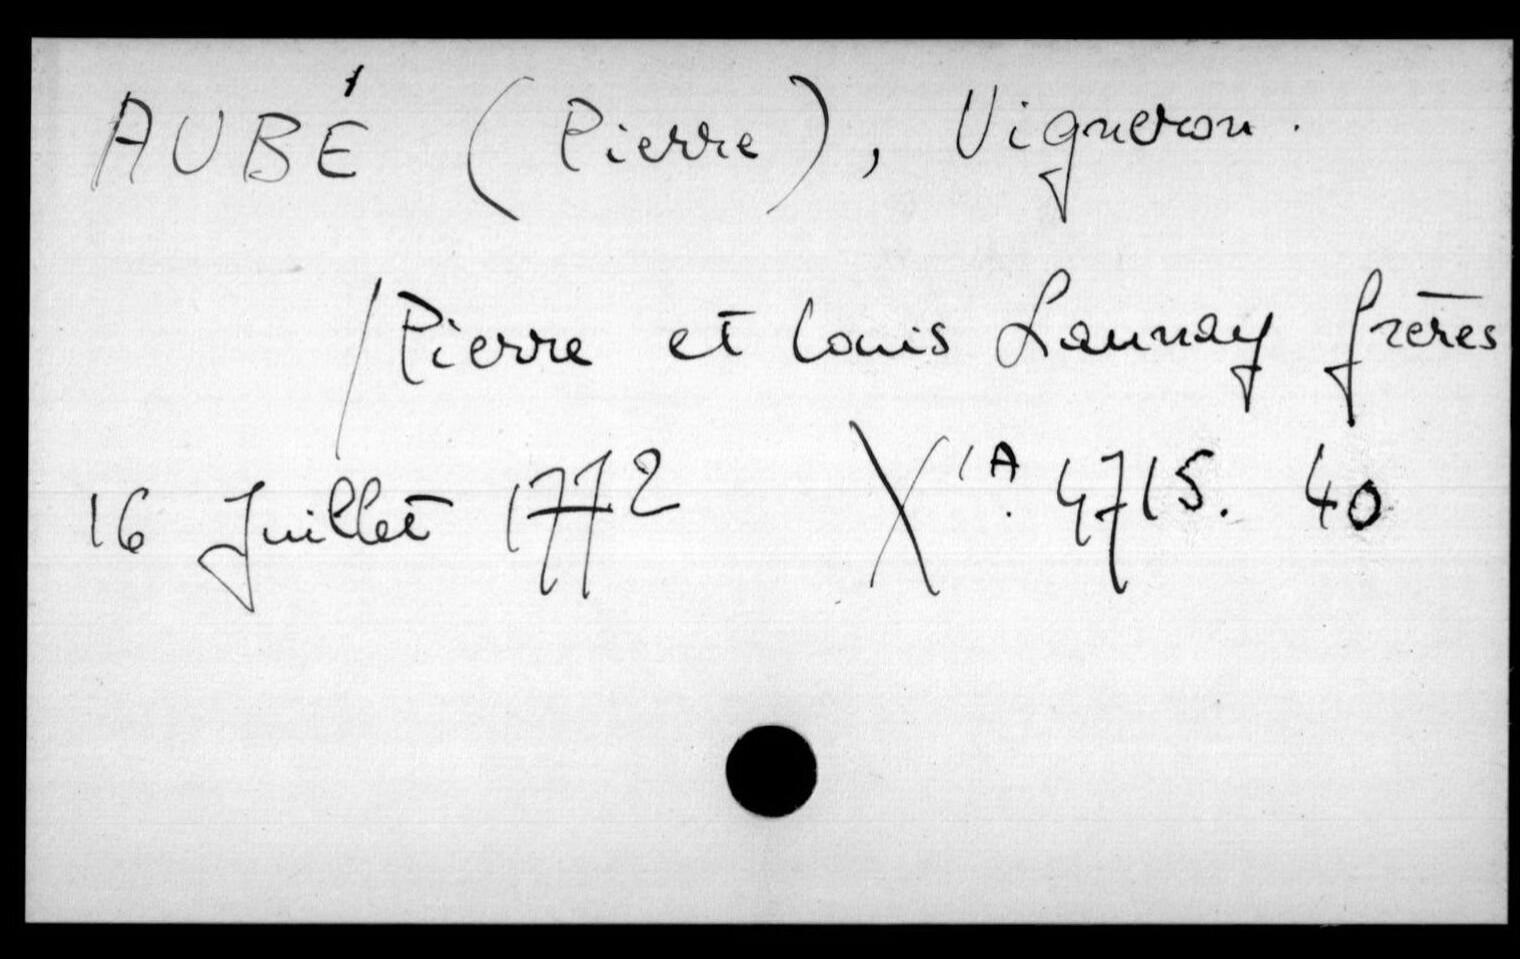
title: AUBé (Pierre), Vigneron
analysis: Contre Pierre et Louis Launay frères
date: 16 juillet 1772
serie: X1A
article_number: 4715
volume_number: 40
